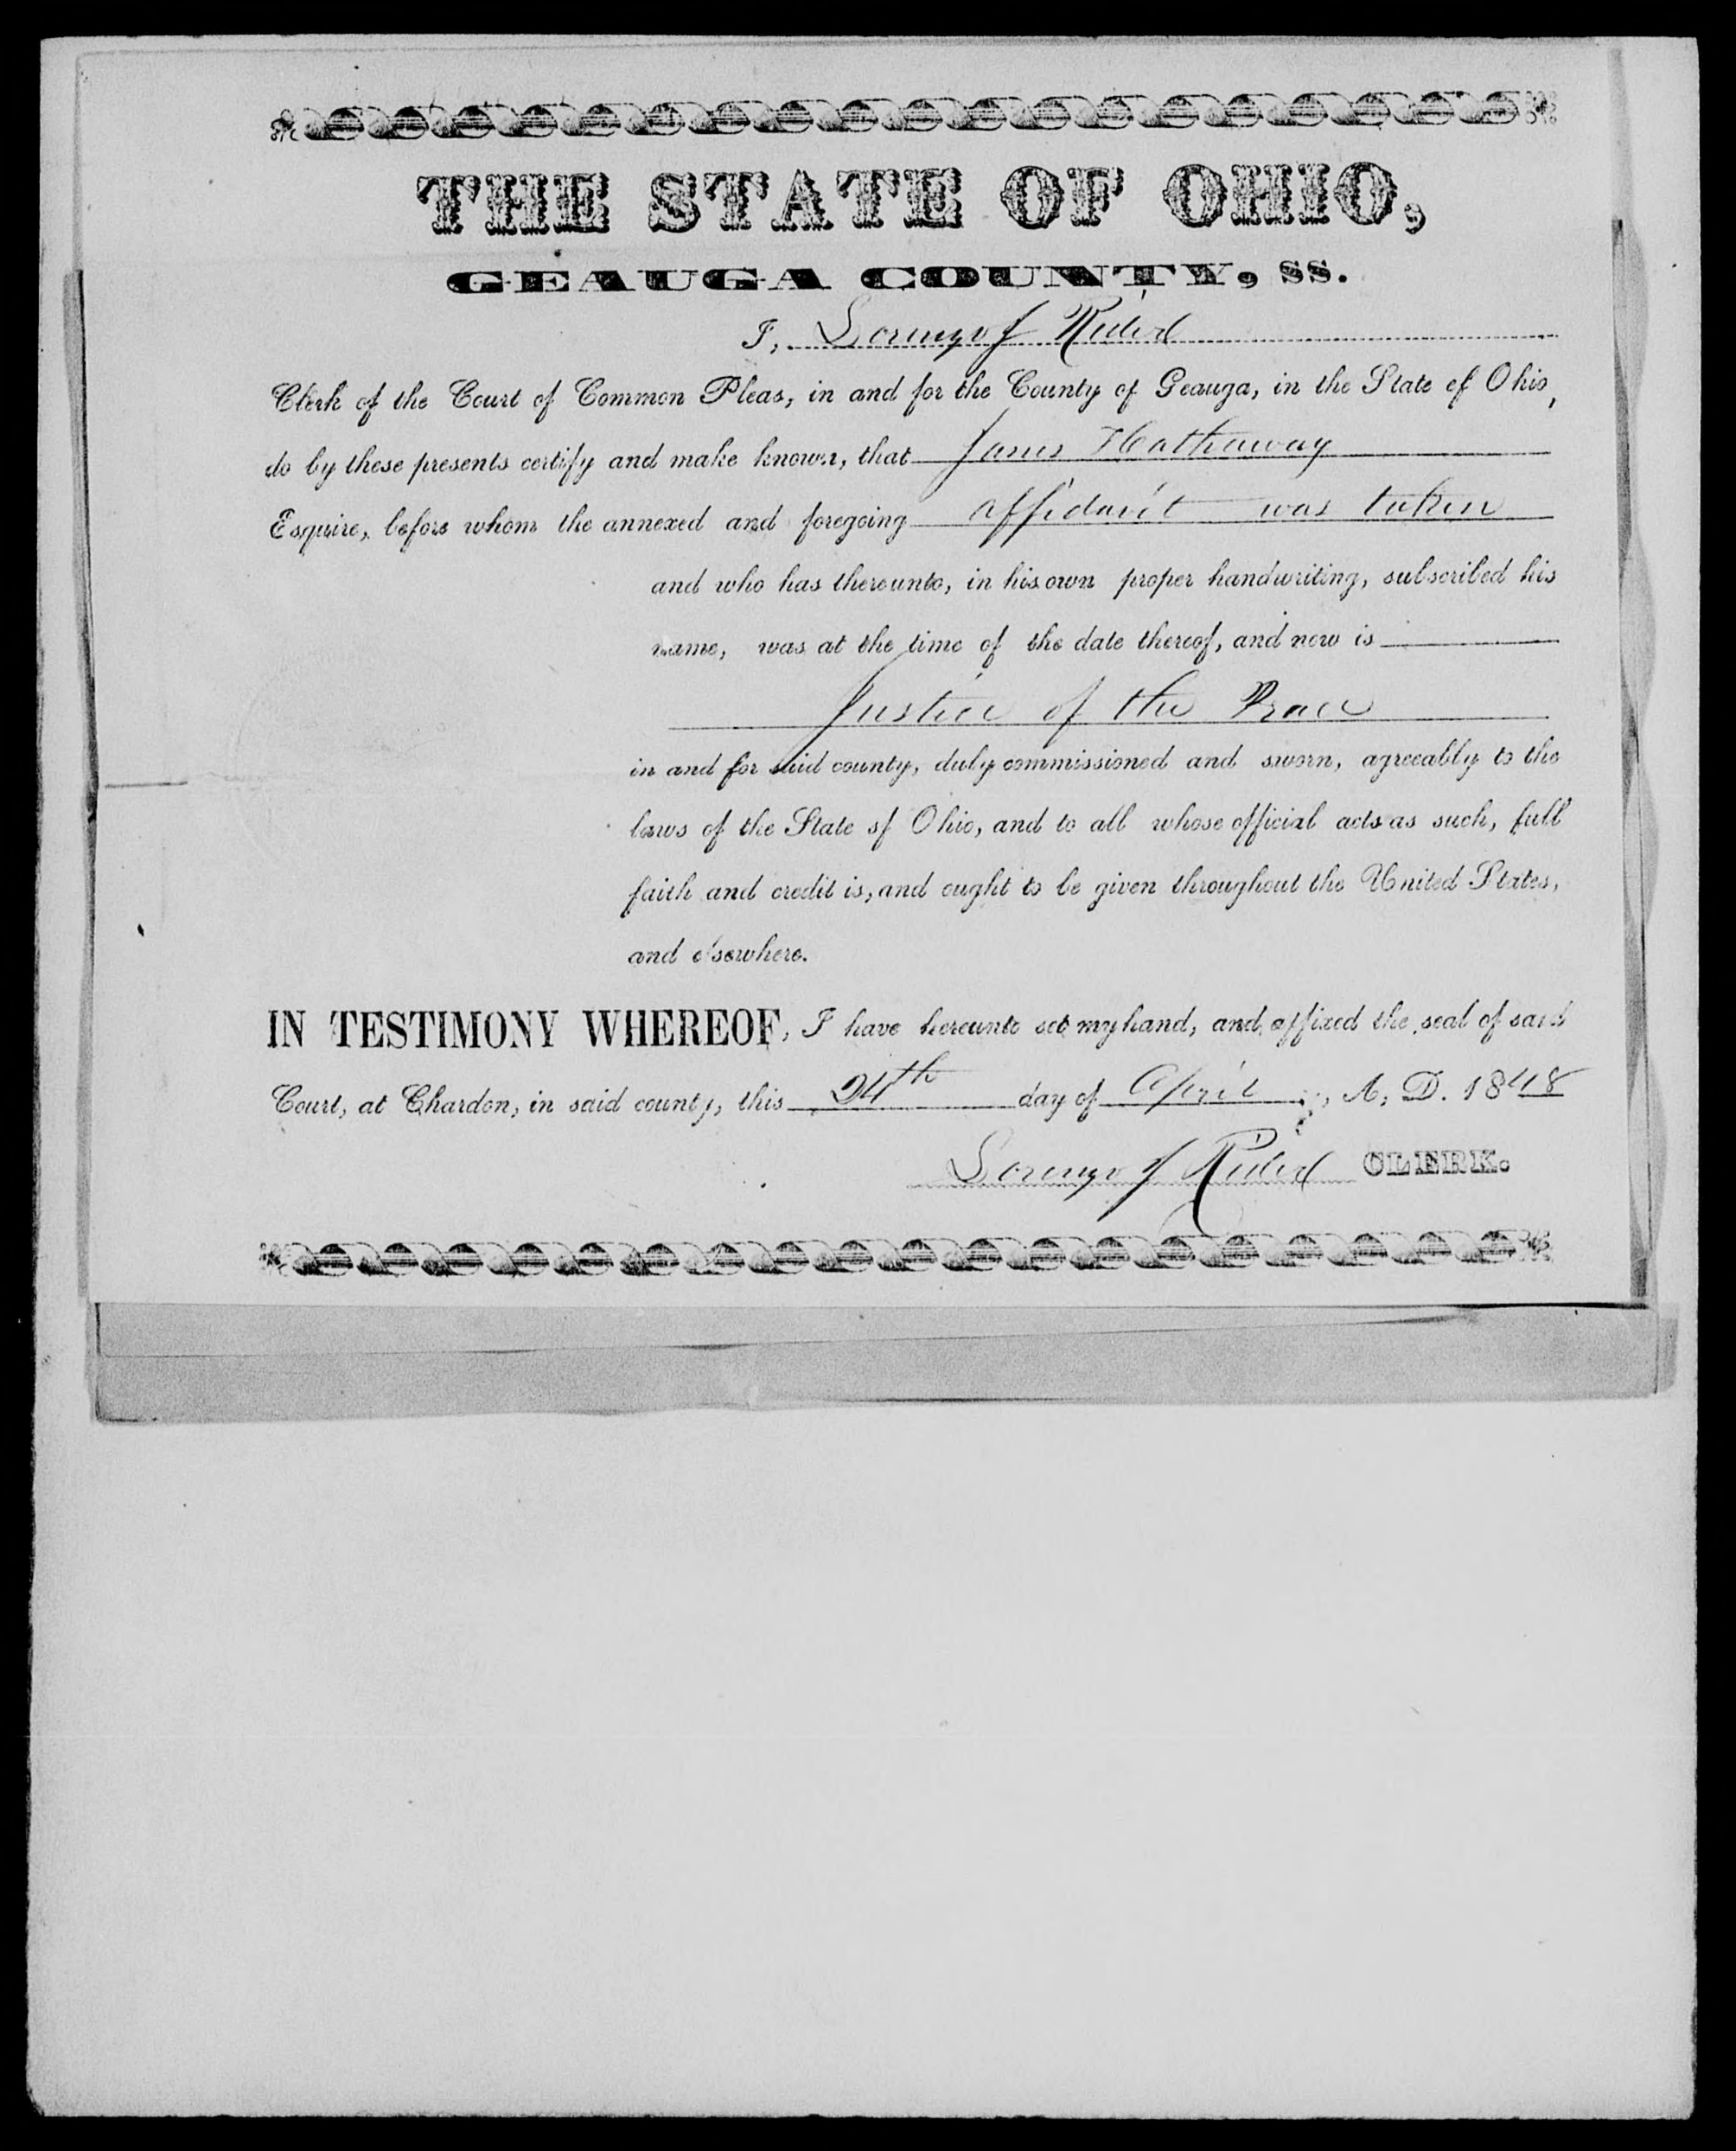THE STATE OF OHIO,
GEAUGA COUNTY, SS.
I Lorenzo J Riderl
Clerk of the Court of Common Pleas, in and for the County of Geauga, in the State of Ohio, do by these presents certify and make known, that James Hathaway Esquire, before whom the annexed and foregoing affidavit was taken
and who has thereunto, in his own proper handwriting, subscribed his name, was at the time of the date thereof, and now is Justice of the Peace in and for said county, duly commissioned and sworn, agreeably to the laws of the State of Ohio, and to all whose official acts as such, full faith and credit is, and ought to be given throughout the United States, and elsewhere.
IN TESTIMONY WHEREOF, I have hereunto set my hand, and affixed the seal of said Court, at Chardon, in said county, this 24th day of April A.D. 1848
Lorenzo J Riderl CLERK.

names: Lorenzo J Riderl, Jams Hathaway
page: 117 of 144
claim: rejected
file: R. 5208, Dennis Hopkins, N.C.